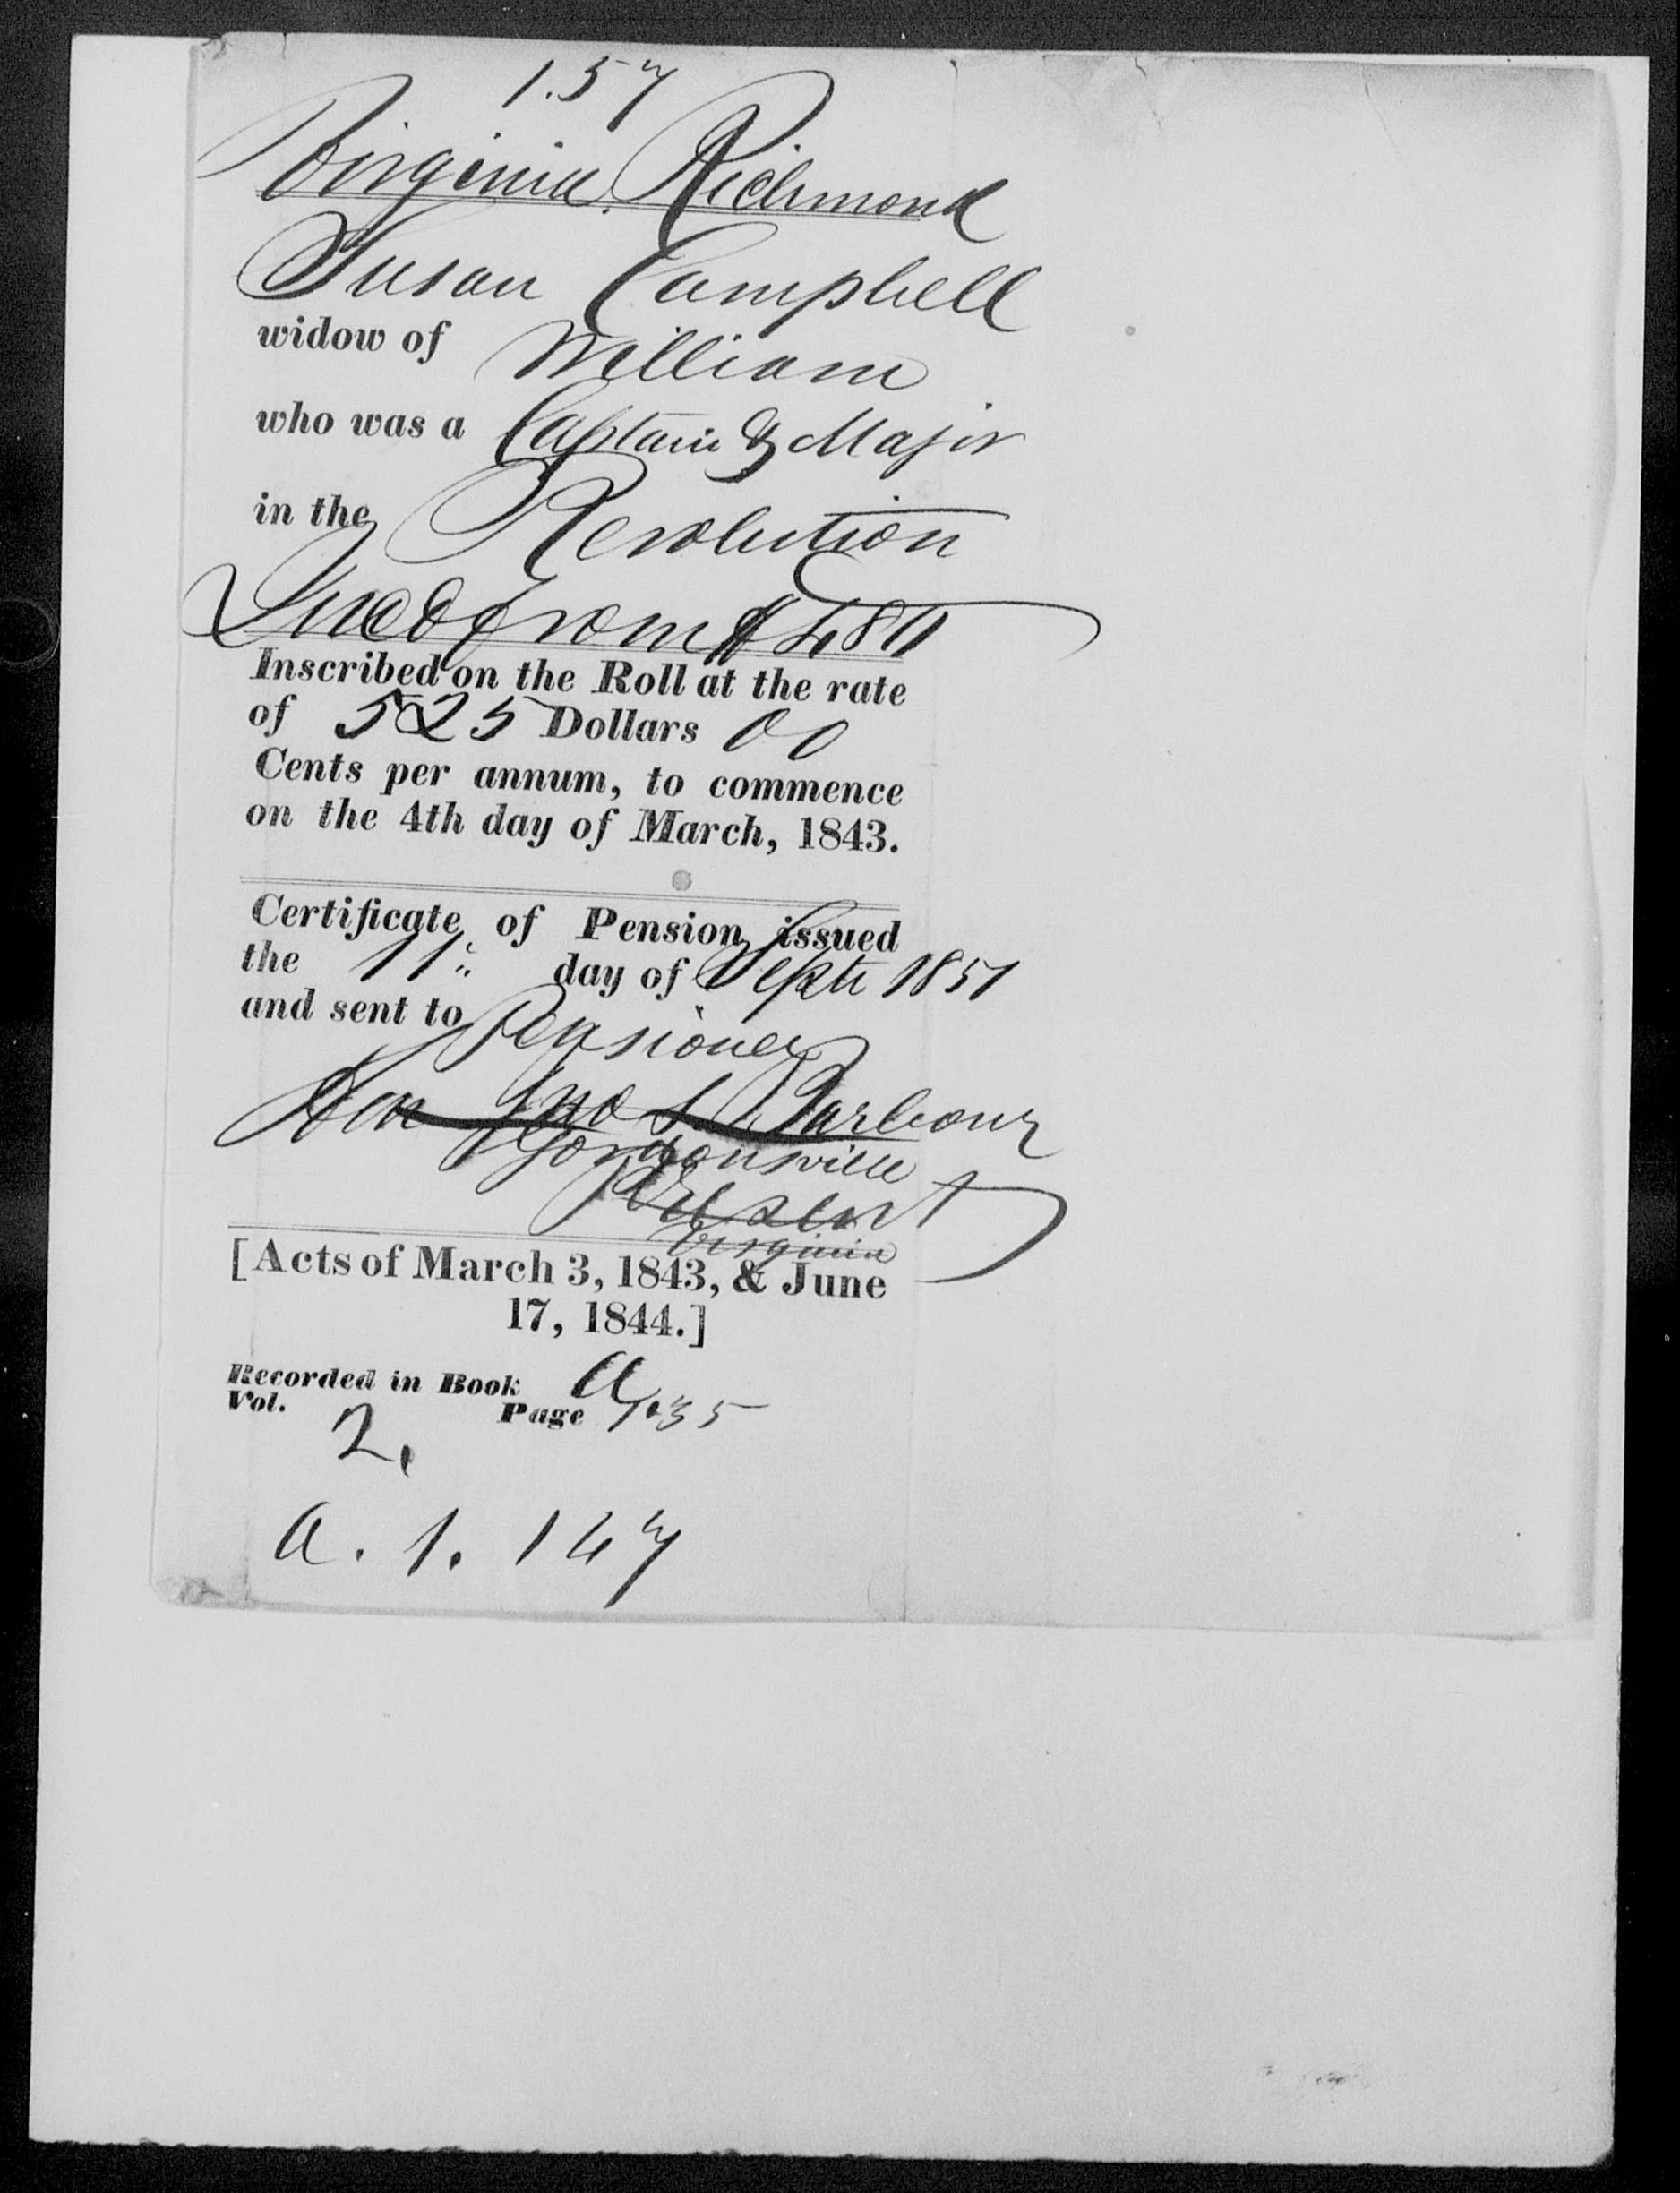1.57
Virginia Richmond
Susan Campbell
widow of William
who was a Captain &[and] Major
in the Revolution
Incd from $480
[double horizontal lines across page]

Inscribed on the Roll at the rate of 525  Dollars  00  Cents per annum, to commence on the 4th day of March, 1843.
[douible horizontal lines across page]

Certificate of Pension issued the 11' day of Septr 1857 and sent to Pensioner
Hon G. S. Barbour 
Gordonsville
Present 
Virginia
[double horizontal lines across page]

[Acts of March 3, 1843, & June 17, 1844.]

Recorded in Book  A
Vol.   2,     Page 135

A.1.147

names: Susan Campbell, Jno S Barbour, William Campbell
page: 55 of 267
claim: widow's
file: W. 4,149, William Campbell, Va.